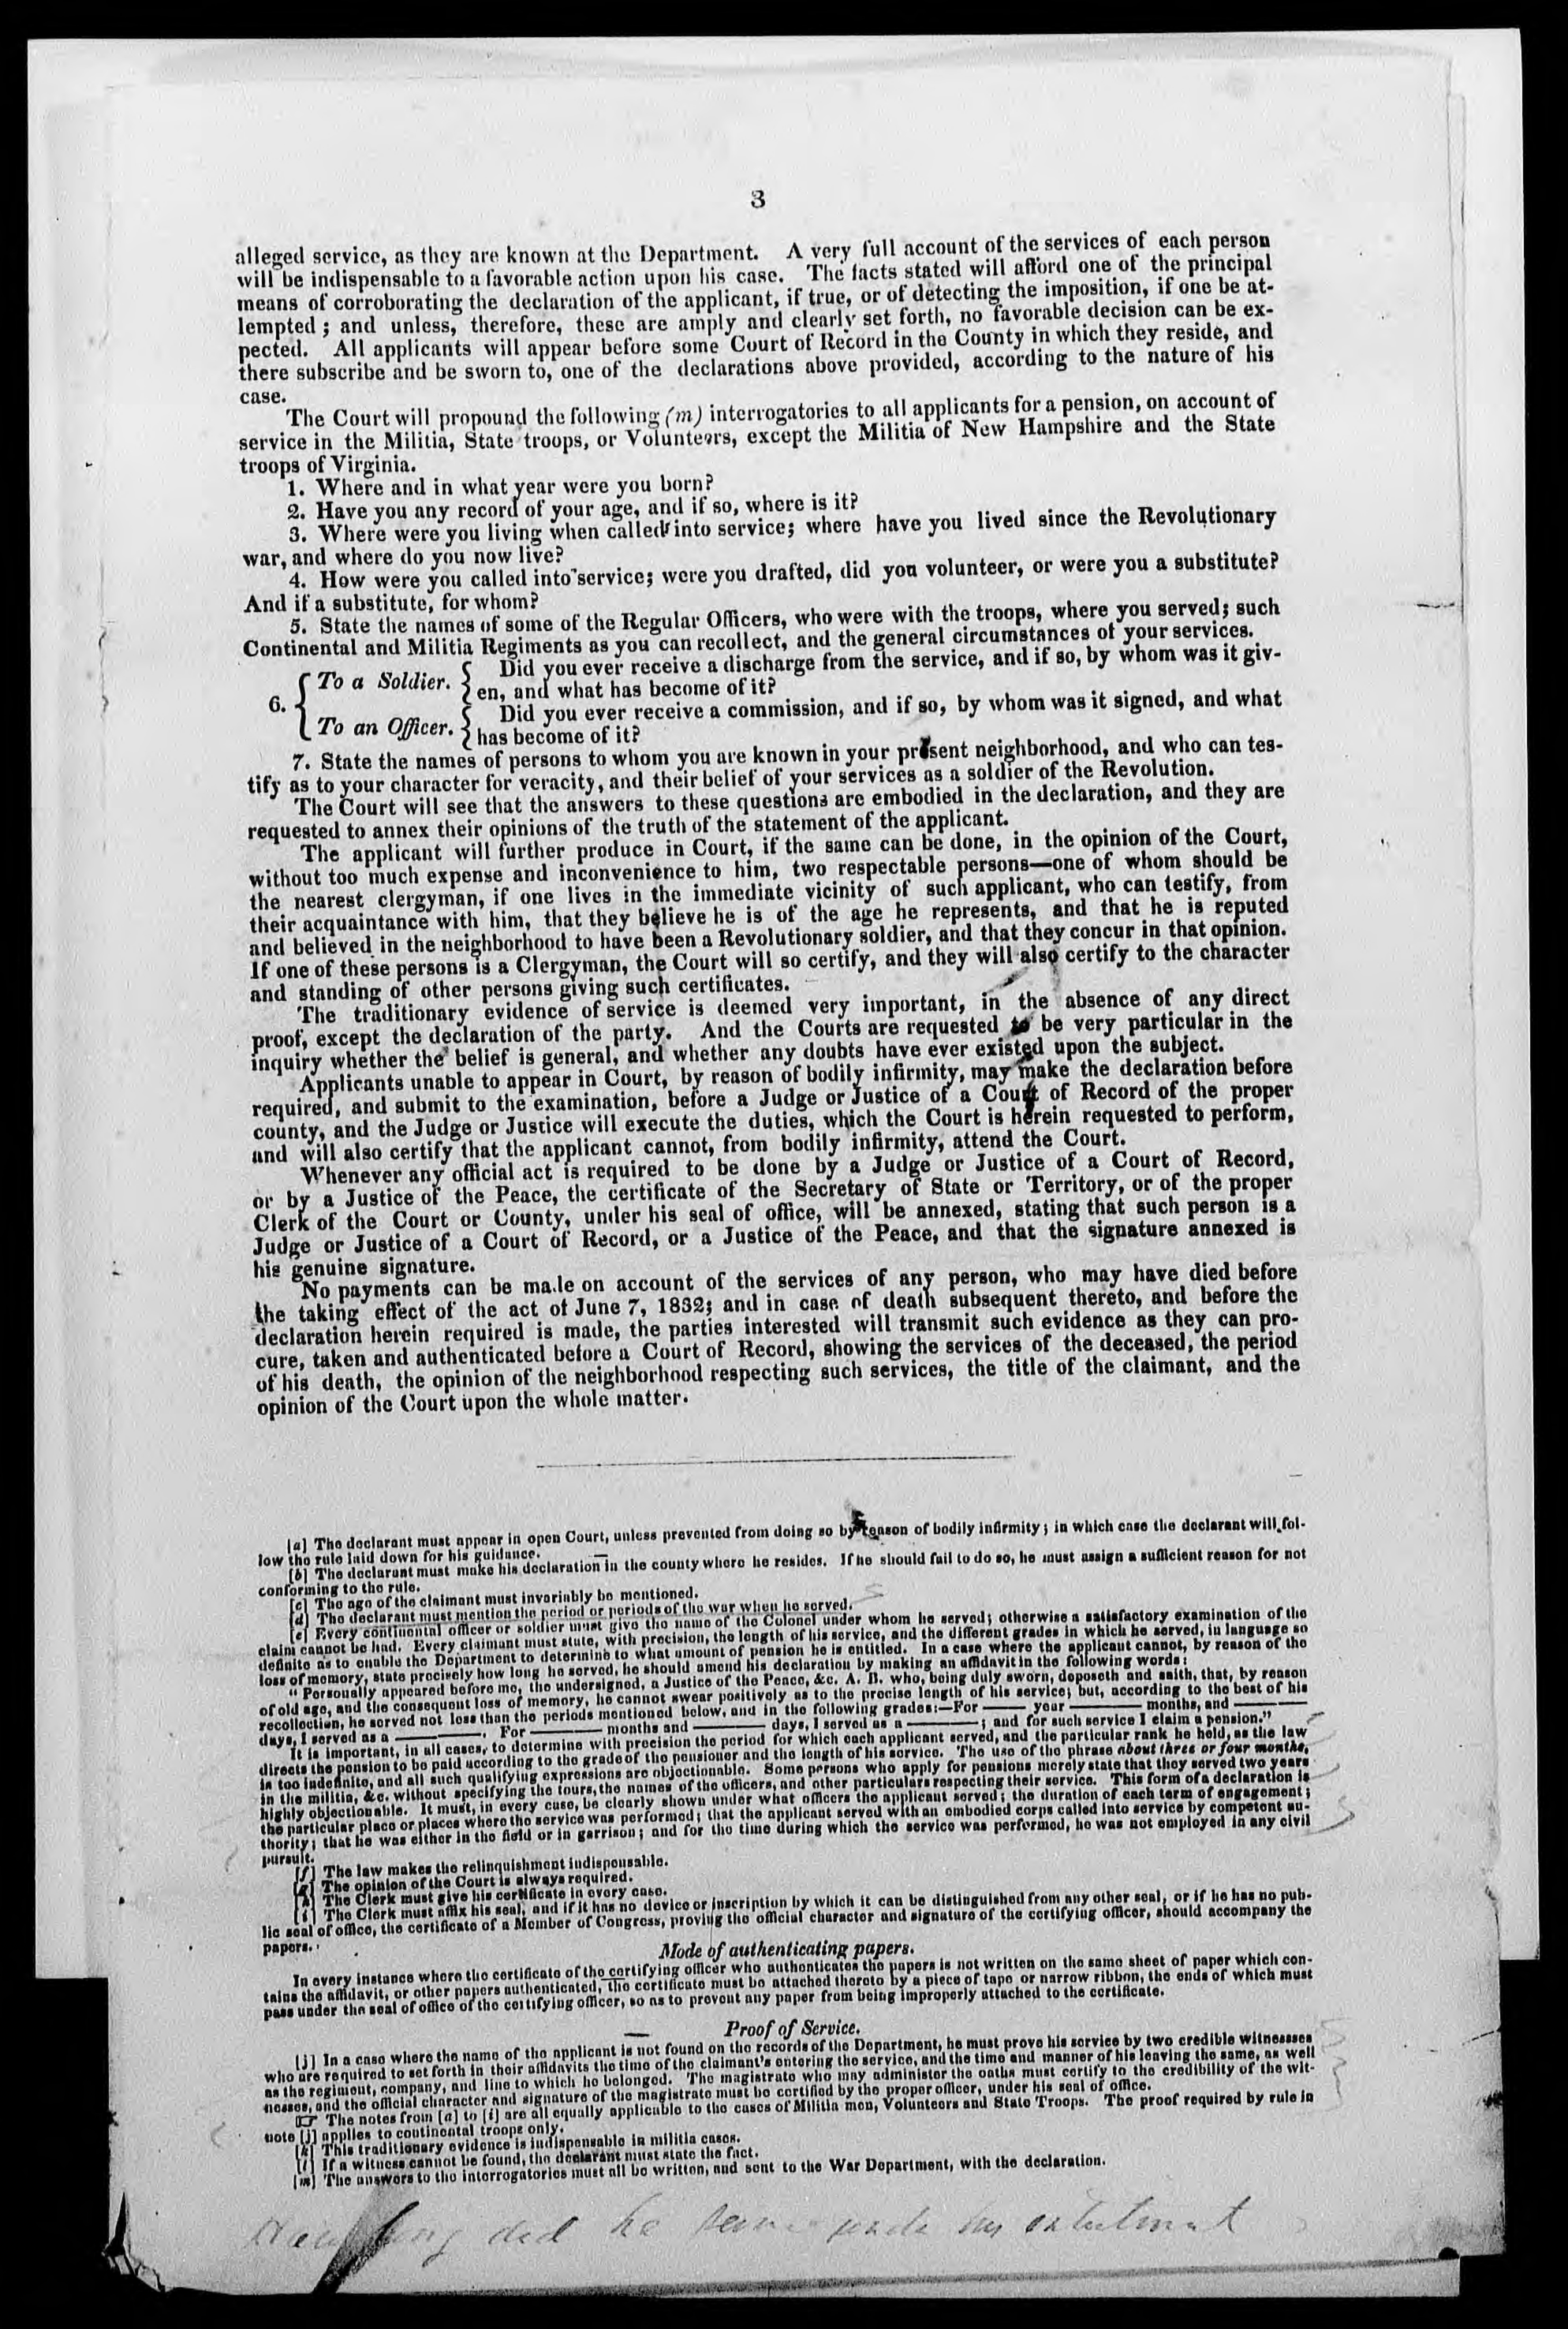3
alleged service, as they are known at the Department. A very full account of the services of each person will be indispensable to a favorable action upon his case. The facts stated will afford one of the principal
means of corroborating the declaration of the applicant, if true, or of detecting the imposition, if one be attempted ; and unless, therefore, these are amply and clearly set forth, no favorable decision can be expected
. All applicants will appear before some Court of Record in the County in which they reside, and there subscribe and be sworn to, one of the declarations above provided, according to the nature of his case.
The Court will propound the following (m) interrogatories to all applicants for a pension, on account of service in the Militia, State troops, or Volunteers, except the Militia of New Hampshire and the State troops of Virginia.
1. Where and in what year were you born?
2. Have you any record of your age, and if so, where is it?
3. Where were you living when called into service; where have you lived since the Revolutionary war
, and where do you now live?
4. How were you called into service; were you drafted, did you volunteer, or were you a substitute?
And if a substitute, for whom?
5. State the names of some of the Regular Officers, who were with the troops, where you served; such
Continental and Militia Regiments as you can recollect, and the general circumstances of your services.
{To a Soldier.
Did you ever receive a discharge from the service, and if so, by whom was it given
To an Officer.
 and what has become of it?
Did you ever receive a commission, and if so, by whom was it signed, and what
has become of it?
7. State the names of persons to whom you are known in your present neighborhood, and who can testify as to your character for veracity, and their belief of your services as a soldier of the Revolution.
The Court will see that the answers to these questions are embodied in the declaration, and they are requested to annex their opinions of the truth of the statement of the applicant.
The applicant will further produce in Court, if the same can be done, in the opinion of the Court, without too much expense and inconvenience to him, two respectable persons--one of whom should be
the nearest clergyman, if one lives in the immediate vicinity of such applicant, who can testify, from their acquaintance with him, that they believe he is of the age he represents, and that he is reputed and believed in the neighborhood to have been a Revolutionary soldier, and that they concur in that opinion.
If one of these persons is a Clergyman, the Court will so certify, and they will also certify to the character and standing of other persons giving such certificates.
The traditionary evidence of service is deemed very important, in the absence of any direct
proof, except the declaration of the party. And the Courts are requested to be very particular in the inquiry whether the belief is general, and whether any doubts have ever existed upon the subject.
Applicants unable to appear in Court, by reason of bodily infirmity, may make the declaration before required, and submit to the examination, before a Judge or Justice of a Court of Record of the proper county, and the Judge or Justice will execute the duties, which the Court is herein requested to perform,
and will also certify that the applicant cannot, from bodily infirmity, attend the Court.
Whenever any official act is required to be done by a Judge or Justice of a Court of Record, or by a Justice of the Peace, the certificate of the Secretary of State or Territory, or of the proper Clerk of the Court or County, under his seal of office, will be annexed, stating that such person is a Judge or Justice of a Court of Record, or a Justice of the Peace, and that the signature annexed is
his genuine signature.
No payments can be made on account of the services of any person, who may have died before the taking effect of the act of June 7, 1832; and in case of death subsequent thereto, and before the declaration herein required is made, the parties interested will transmit such evidence as they can procure , taken and authenticated before a Court of Record, showing the services of the deceased, the period of his death, the opinion of the neighborhood respecting such services, the title of the claimant, and the opinion of the Court upon the whole matter.
alnd The declarant must appear in open Court, unless prevented from doing so by reason of bodily Infirmity, in which ease the declarant will, of declaration in the county where he resides. If he should fall to do so, he must assign a sufficient reason for not claimant must invariably one of the war when he served.
the length of his service, and the different grades in which he served, in language so
pension he is entitled. In a case where the applicant cannot, by reason of the
and his declaration by making an affidavit in the following words:
who, being duly sworn, deposeth and saith, that, by reason of old age, and the consent
recollection, he served not less than the periods mentioned below, and in the following nine months and months and --- days, I served as and for such service I claim a pension."
in all cases, to determine with precision the period for which each applicant served, and the particular rank he held, as the law
grade the pensioner and the length of his service. The use of the phrase about
are or four months objectionable. Some persons who apply for pensions merely state that they served two years is too indemnite, and it is of the officers, and other particulars respecting their service. This form of a declaration e clearly shown under what officers the applicant served; the duration of each term of engagement; where the service was performed; that the applicant served with an embodied corps called into service by competent authority was either in the fold or in garrison; and for the time during which the service was performed, he was not employed in any civil The law makes the relinquishment indispensable. The opinion of the Court is always required. The Clerk must vice or inscription by which it can be distinguhed from any other seal, or if he has no pubisthe
seal of once, the certificate of a Member of Congress, proving the official character and signature of the certifying officer, should accompany the papers.
papers is not written on the same sheet of paper which contains the content must be attached thereto by a piece of tape or narrow ribbon, the ends of which must pass under the seal of office of the certifying officer, so as to prevent any paper from being improperly attached to the certificate.
Proof of Service.
of the applicant is not found on the records of the Department, he must prove his service by two credible witnesses
with it the time of the claimant's entering the service, and the time and manner of his leaving the same, as well
company, and line to which he belonged. The magistrate who may administer the oaths must certify to the credibility of the witness
the official  character and signature of the magistrate must be confirmed  by the proper officer, under his seal of office to 1 are all equally applicable to the cases of Militia men, Volunteers and State Troops. The proof required by rule in note applies to continental troops only.
This traditionary evidence is indispensable in militia cases.
witness cannot be found, the declarant must state the fact.
The answers to the interrogatories must all be written, and sent to the War Department, with the declaration.
How long did he serve per his enlistment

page: 9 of 17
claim: survivor's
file: S. 6717, William Brooks, Md. N.C.